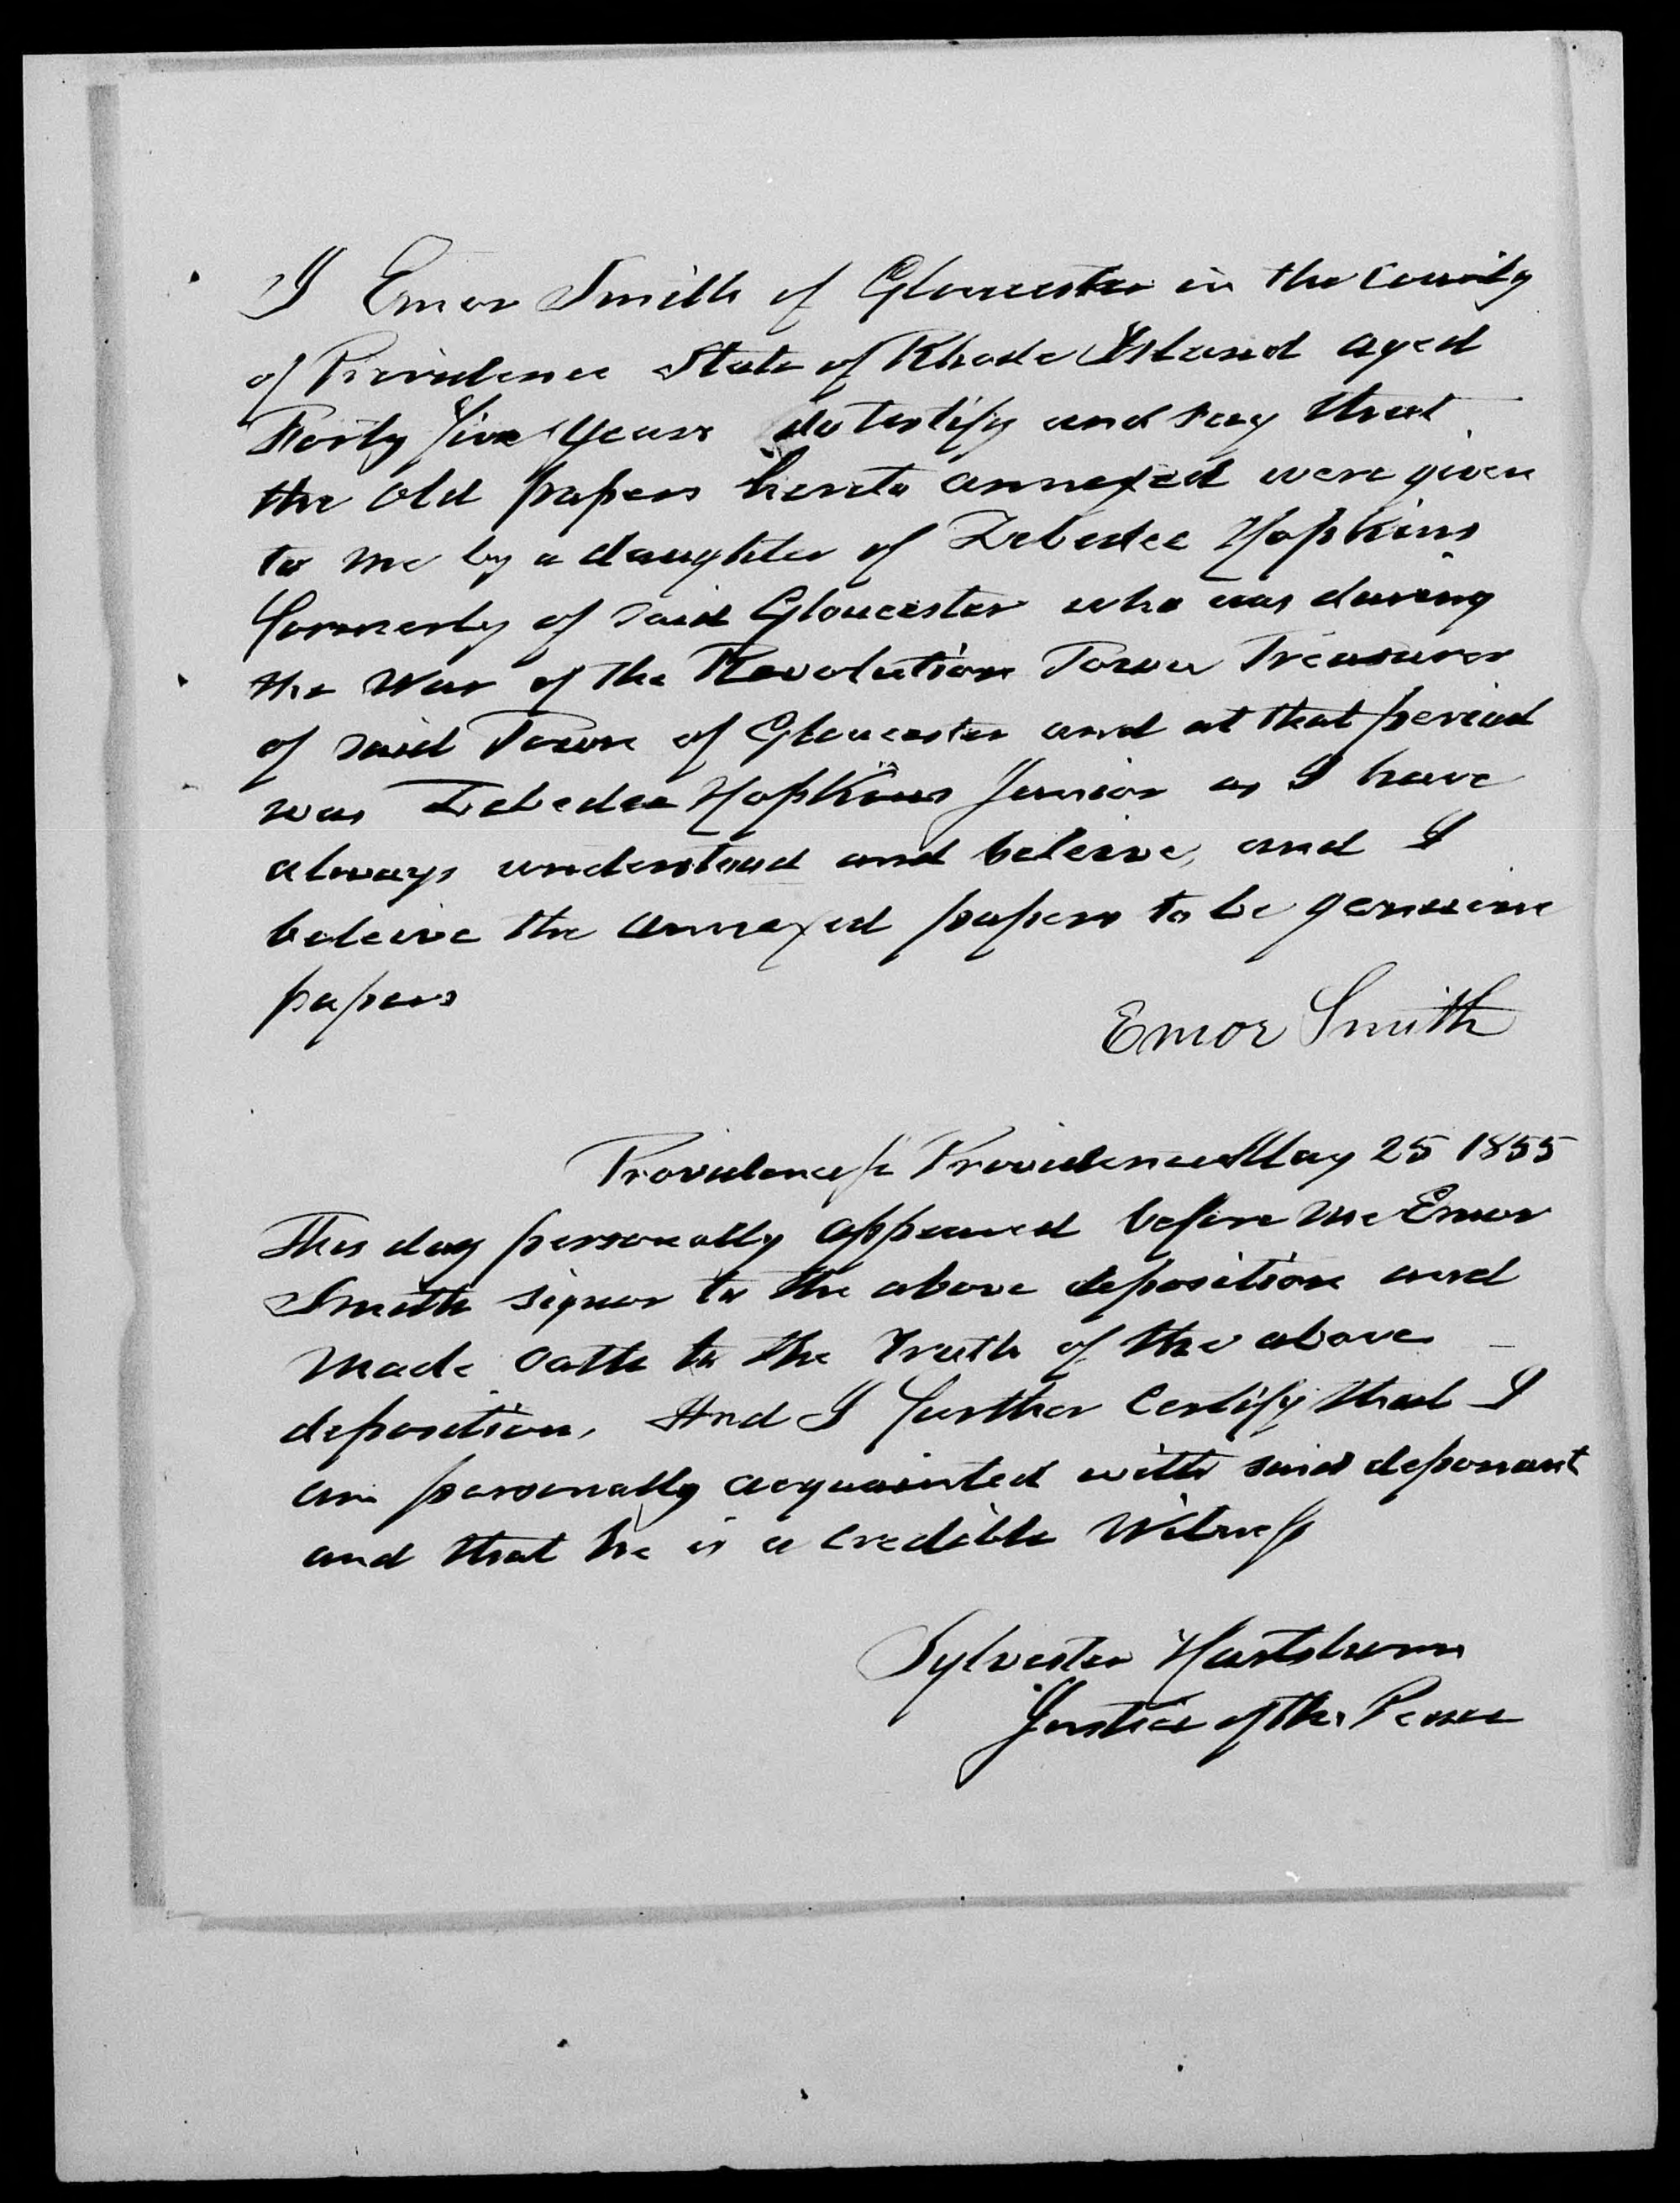I Emor Smith of Gloucester in the county of Providence State of Rhode Island aged forty five years do testify and say that the old papers hereto annexed were given to my by a daughter of Lebedee Hopkins formerly of said Gloucester who was during the War of the Revolution, town treasurer of said town of Gloucester and at that period was Lebedee Hopkins Junior as I have always understood and believe, and I believe the annexed papers to be genuine papers.
Emor Smith
Providence sc Providence May 25, 1855
This day personally appeared before me Emor Smith signor to the above deposition and made oath to the truth of the above deposition. And I further certify that I am personally acquainted with said deponant and that he is a credible witness.
Sylvester Hartshorn
Justice of the Pease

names: Zebedee Hopkins, Emor Smith, Emor Smith, Sylvester Hartshom, Emor Smith, Zebedee Hopkins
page: 58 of 76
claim: widow's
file: W. 15,517, William Gadcomb, R.I.